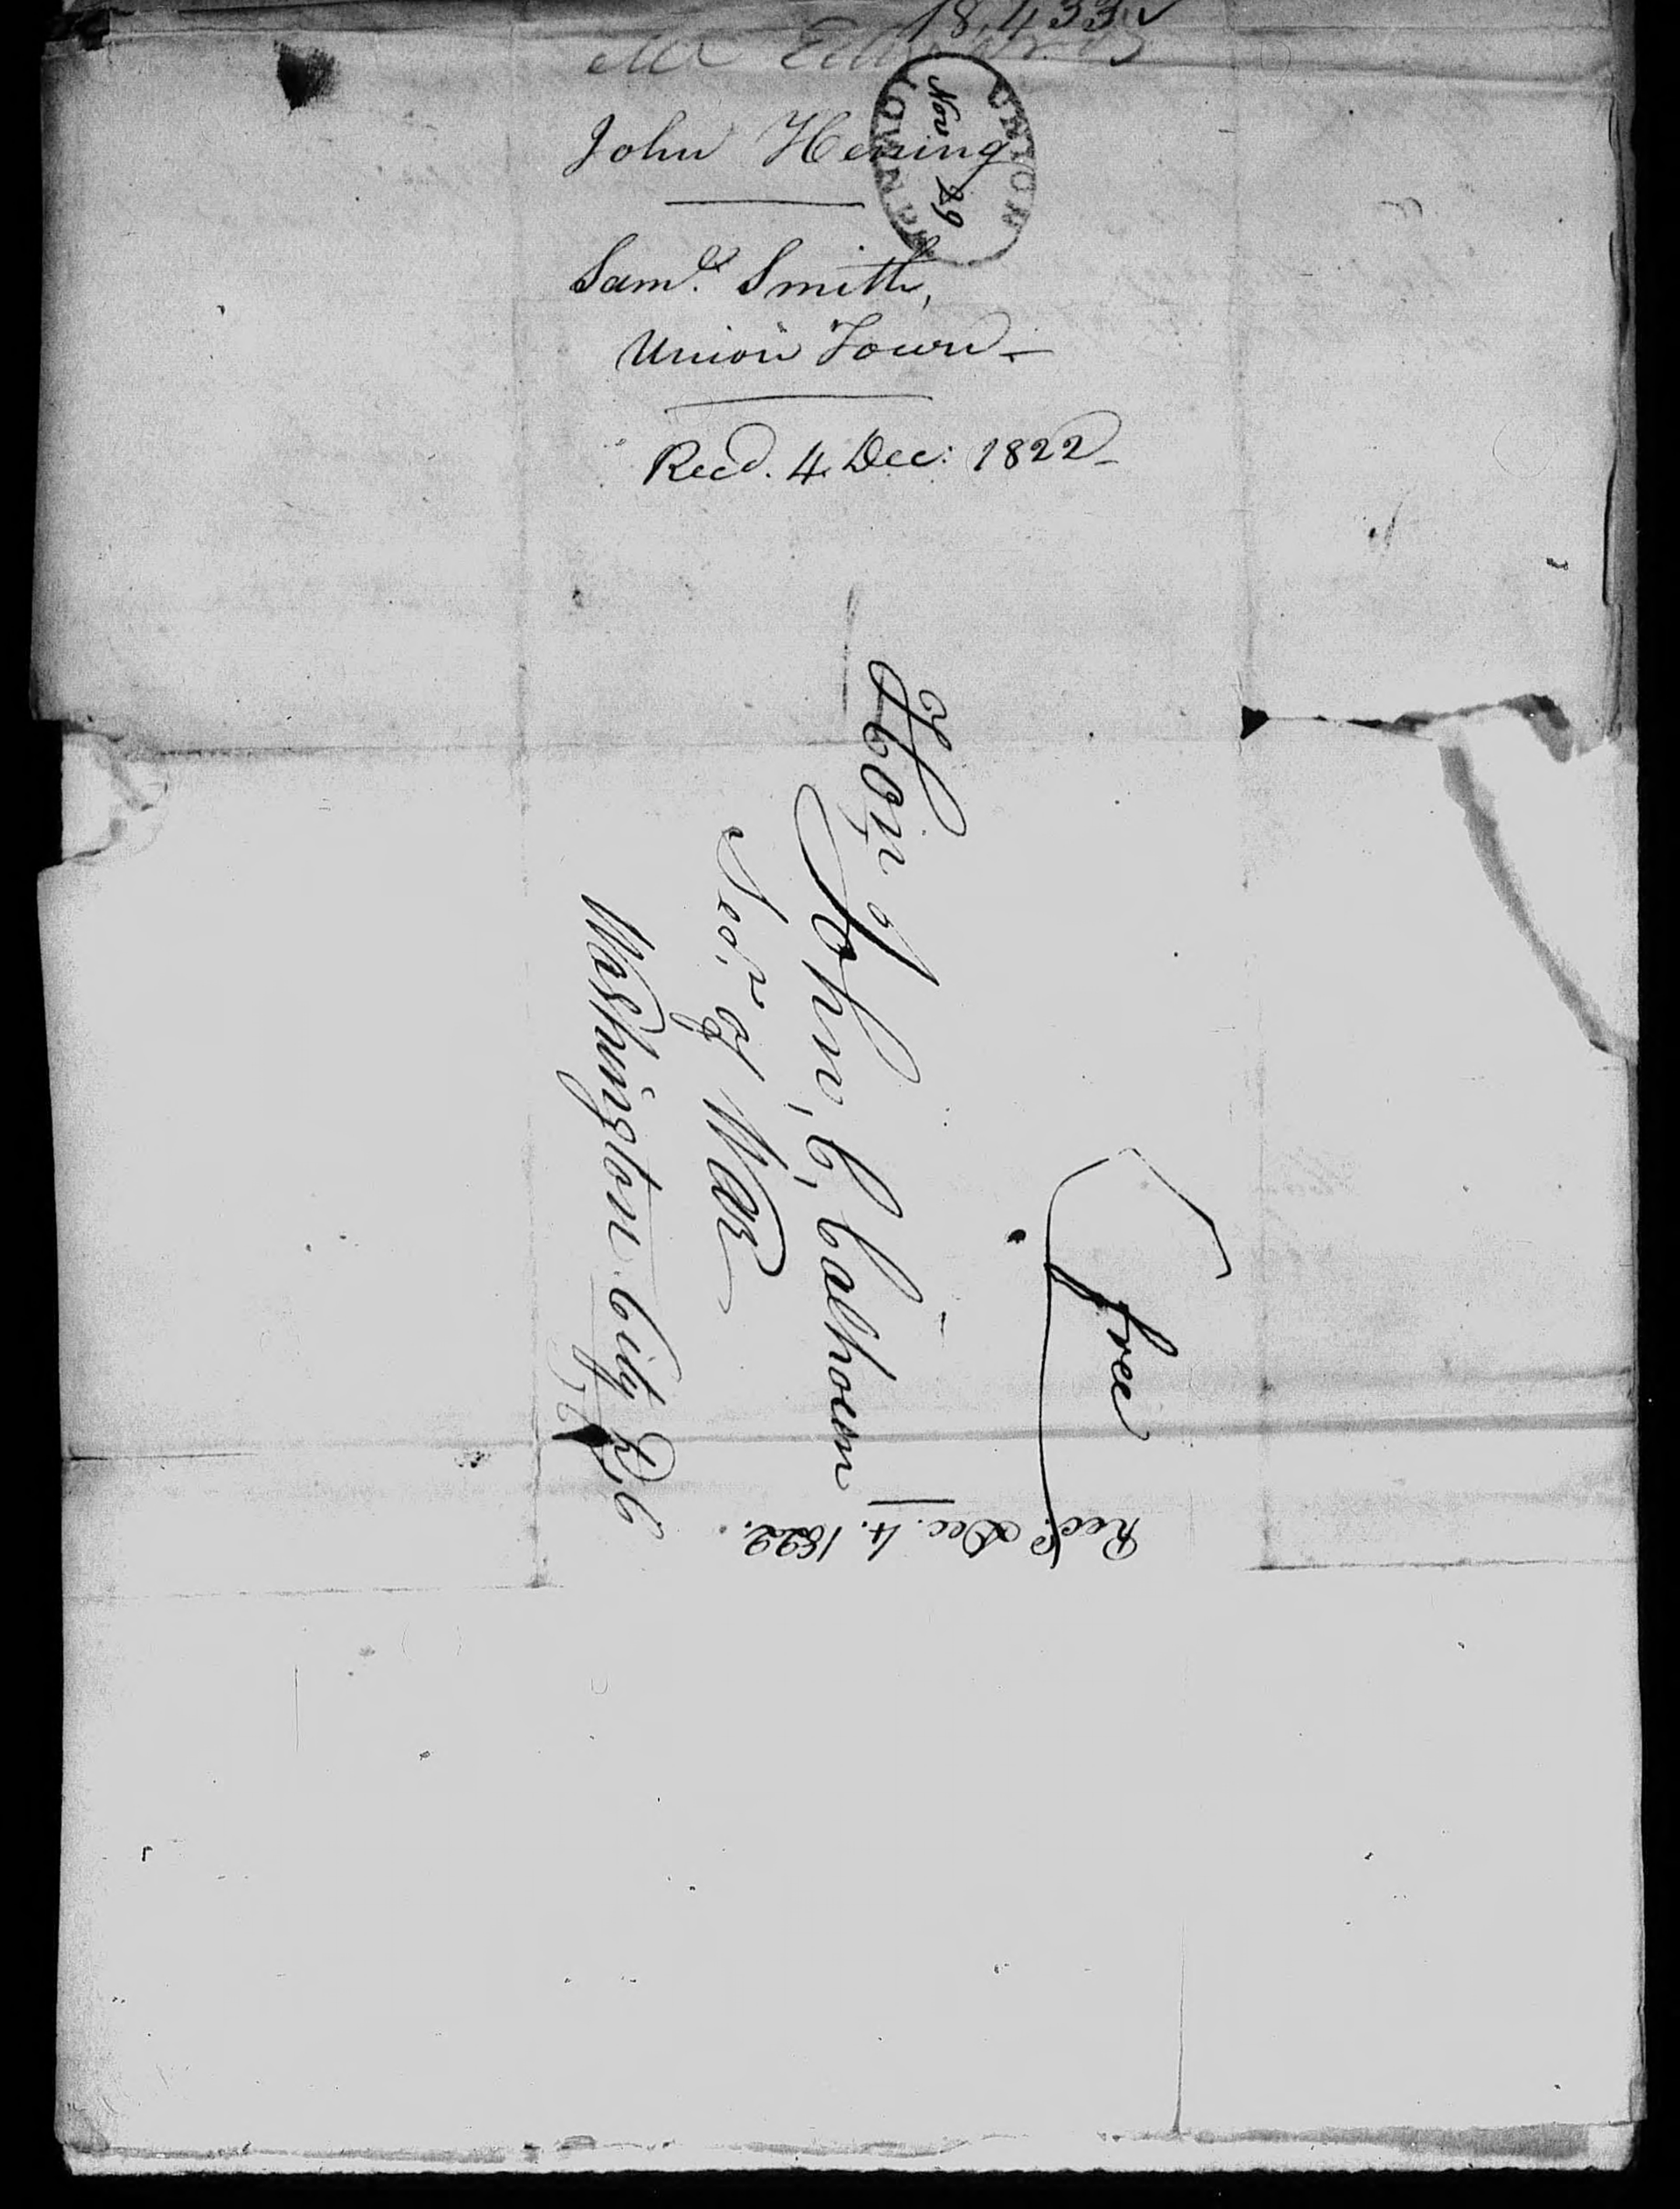18433
Mr Edwards
John Hening
[oval stamp with UNION TOWN PA at the top and bottom, Nov 29 handwritten in the center]
Saml. Smith,
Union Town - 
Recd. 4 Dec. 1822
[written at a 90 degree angle from the previous writing]
Hon. John C. Calhoun  free
Secy. of War
Washington City, D.C.
[written at another 90 degrees from the previous writing]
Recd.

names: John Hening, Edwards, John C Calhoun, Saml Smith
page: 10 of 15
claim: survivor's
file: S. 39677, John Hening, Continental (Penn.)